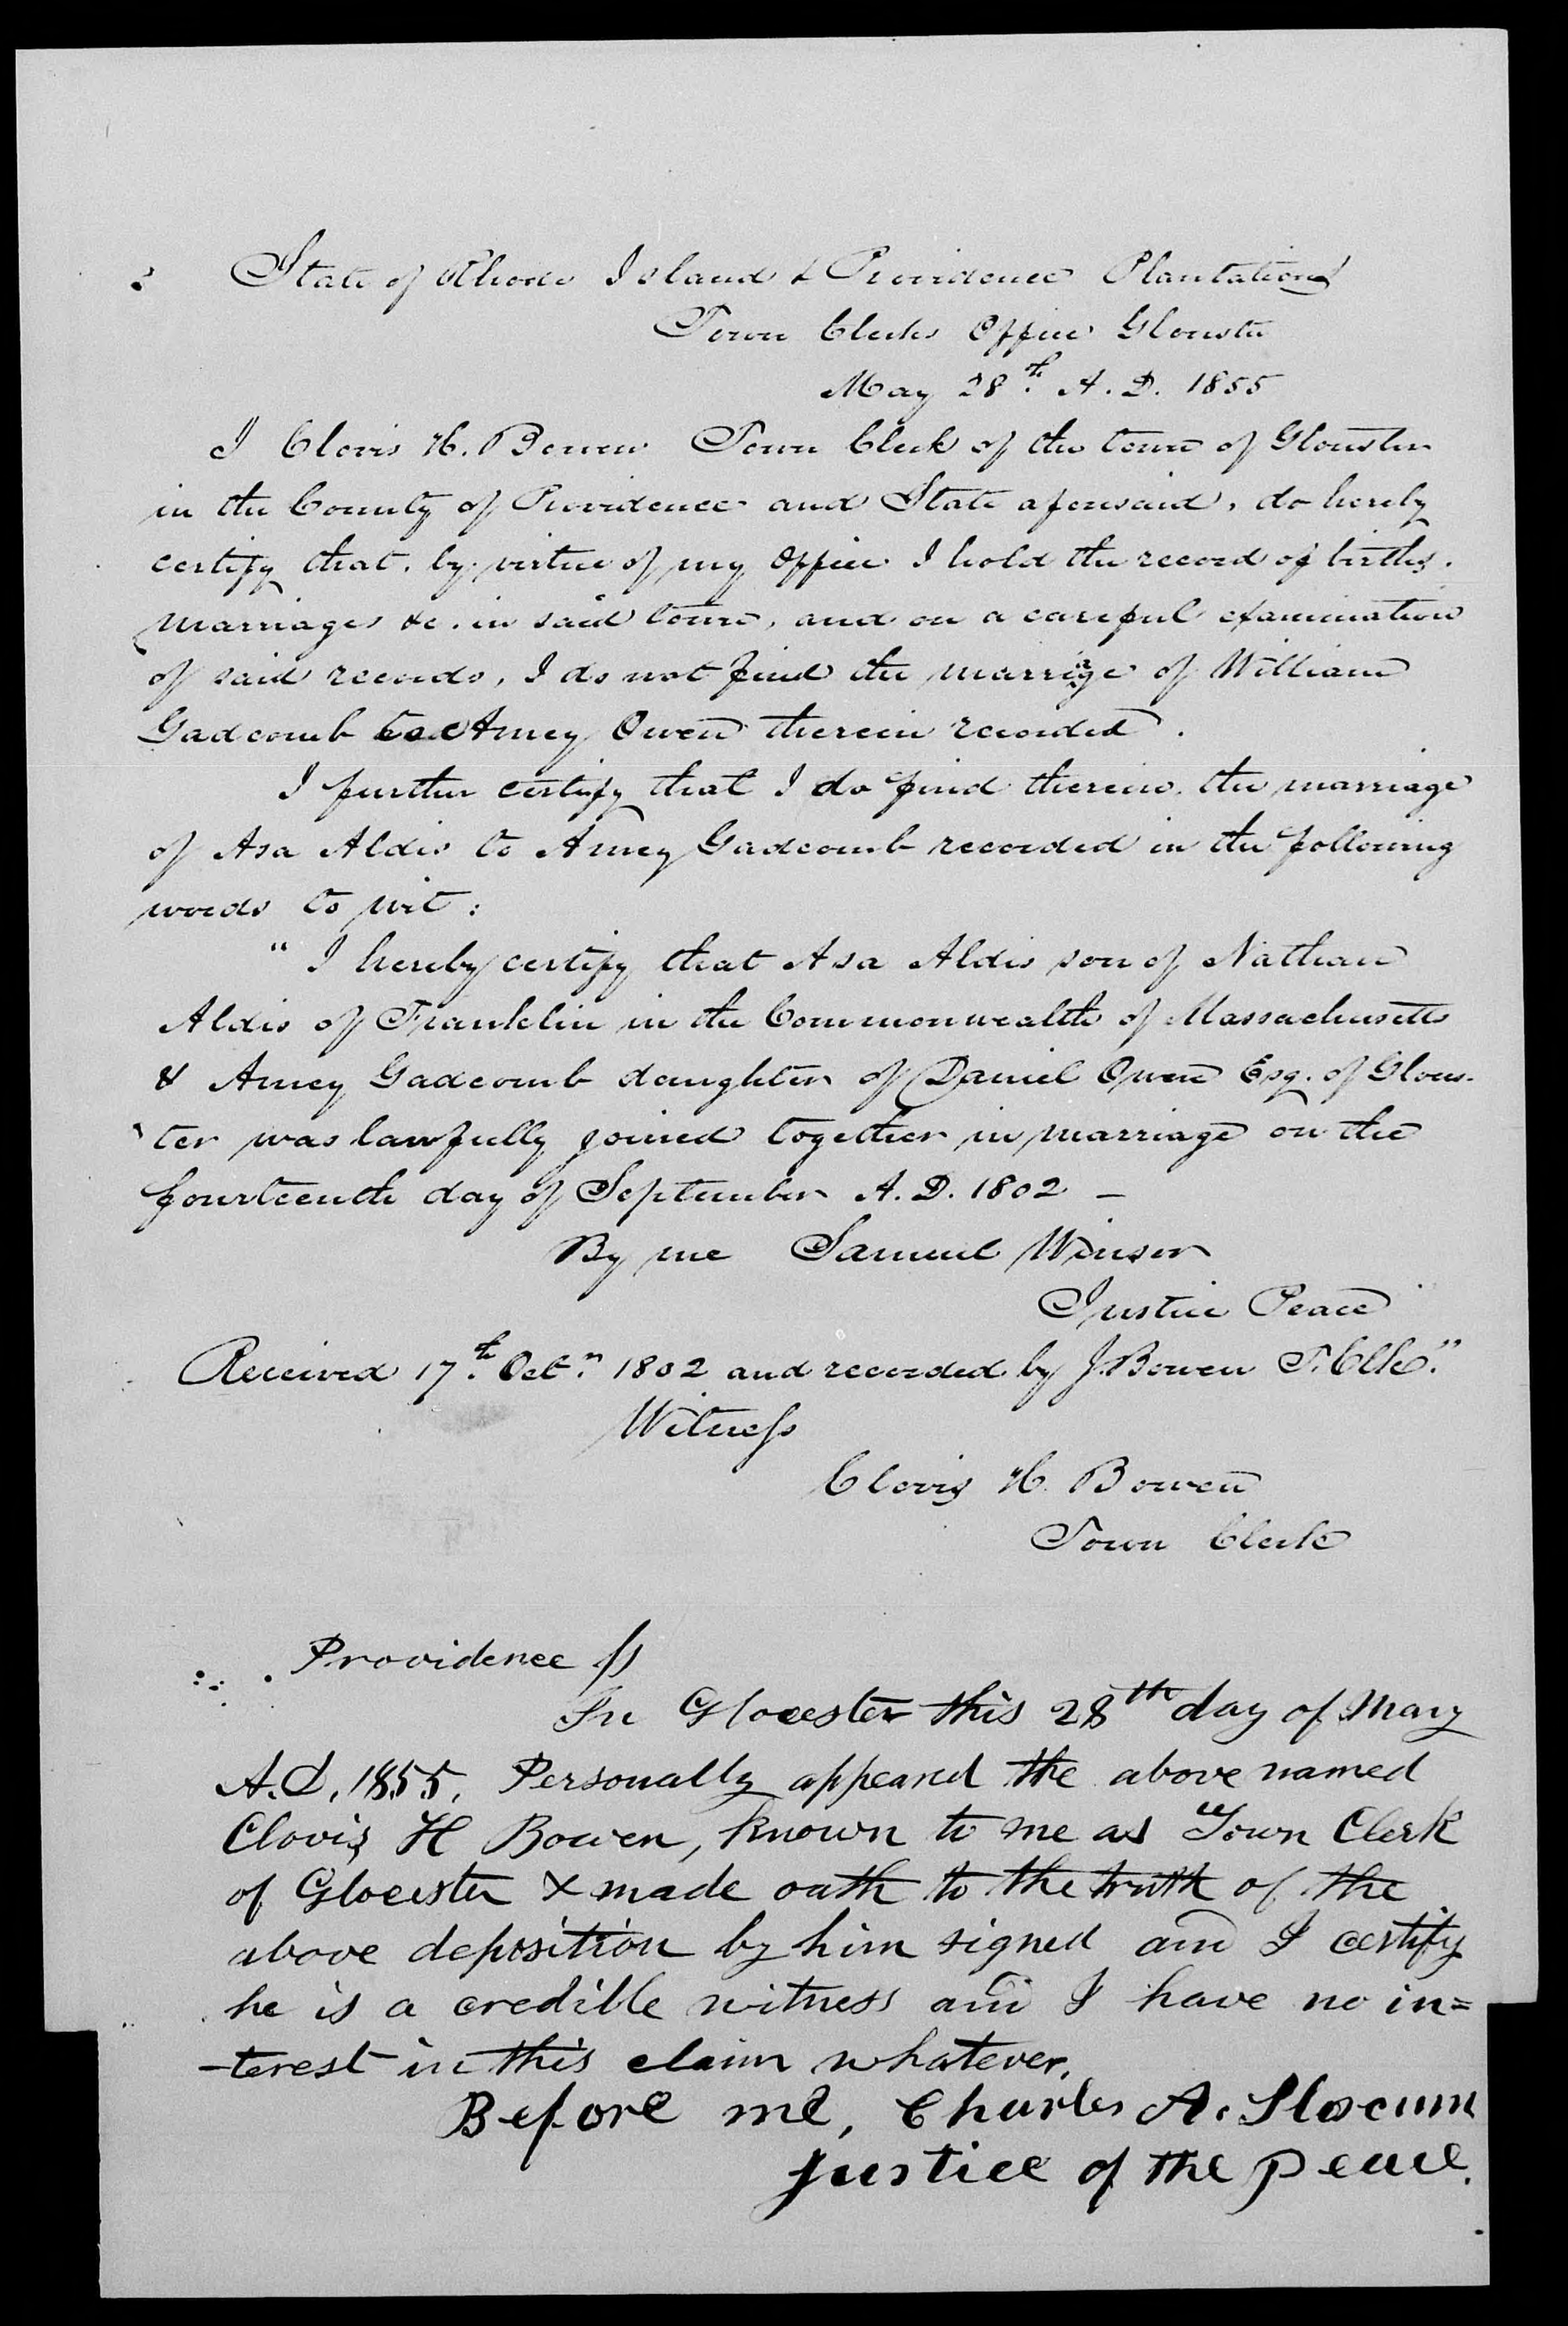State of Rhode Island and Providence Plantations
Town Clerk's Office, Glocester
May 28th, A.D. 1855

I Clovis H. Bowen, Town Clerk of the town of Glocester in the County of Providence and State aforesaid, do hereby certify that by virtue of my office, I hold the records of births, marriages, and in said town, and on a careful examination of said records, I do not find the marriage of William Gadcomb to Amey Owen therein recorded. 

I further certify that I do find therein the marriage of Asa Aldis to Amey Gadcomb recorded in the following words to wit:

"I hereby certify that Asa Aldis son of Nathan Aldis of Franklin in the Commonwealth of Massachusetts and Amey Gadcomb daughter of Daniel Owen Est. of Glocester was lawfully joined together in marriage on the fourteenth day of September A.D. 1802.
By me Samuel Winsor
Justice Peace
Received 17th Oct. 1802 and recorded by J.Bowen T.Clk"
Witness
Clovis H. Bowen
Town Clerk
Providence
In Glocester this 18th day of May A.D. 1855, personally appeared the above named Clovis H. Bowen, known to me as Town Clerk of Glocester and made oath to the truth of the above deposition by him signed and I certify he is a credible witness and I have no interest in this claim whatever.
Before me, Charles A. Slocum
Justice of the Peace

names: J Bowen, Charles A Slocum, Asa Aldis, Clovis H Bowen, Asa Aldis, Amey Gadcomb, Amey Owen, Clovis H Bowen, William Gadcomb, Samuel Winson, Daniel Owen, Amey Gadcomb, Nathan Aldis, Clovis H Bowen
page: 60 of 76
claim: widow's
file: W. 15,517, William Gadcomb, R.I.